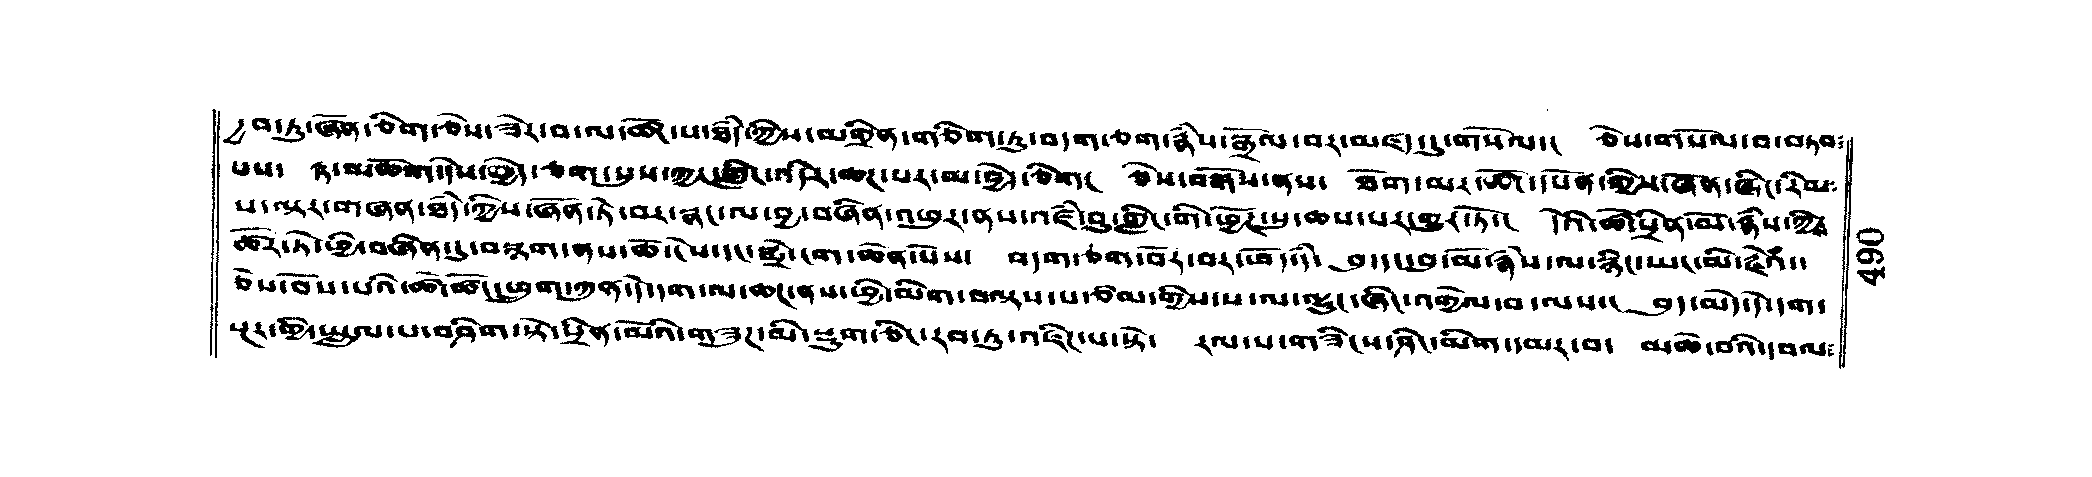རྒྱབ་ཏུ་བཞོན་ཅིག་ཅེས་ཟེར་བ་ལ་ཚོང་པ་ཐམས་ཅད་ཀྱིས་མགྲིན་གཅིག་ཏུ་བདག་ཅག་རྣམས་སྒྲོལ་བར་མཛད་དུ་གསོལ། ཞེས་གསོལ་བ་བཏབ་
པས། རྟ་མཆོག་དེས་ཁྱེད་ཅག་སུས་ཀྱང་གླིང་འདིར་ཆགས་པར་མ་བྱེད་ཅིག ཅེས་བསྒོས་ནས། ཐོག་མར་ཚོང་དཔོན་གྱིས་ཞོན་ཞིང་རིམ་
པ་ལྟར་གཞན་ཐམས་ཅད་ཀྱིས་ཞོན་ཏེ་བར་སྣང་ལ་བྱ་བཞིན་འཕུར་ནས་འཛམ་བུ་གླིང་གི་ཕྱོགས་སུ་ཆས་པར་གྱུར་ཏོ། དེའི་ཚེ་སྲིན་མོ་རྣམས་ཀྱིས་
ཚོར་ཏེ་ཕྱི་བཞིན་དུ་བསྙེགས་ནས་ཆོ་ངེ་དང་སྨྲེ་ངག་ཆེན་པོས། བདག་ཅག་བོར་བར་ཕོད་དམ། བུ་དང་བུ་མོ་རྣམས་ལ་སྙིང་ཡང་མི་རྗེའམ། 
ཞེས་བོས་པའི་ཚེ་ཚོང་ཕྲུག་ཀུན་དེ་དག་ལ་ཆགས་ནས་ཕྱི་མིག་བལྟས་པ་ཙམ་གྱིས་ས་ལ་ལྷུང་ཞིང་འགྱེལ་བ་ལས། བུད་མེད་དེ་དག་
སྔར་གྱི་སྤྲུལ་པ་བཤིག་སྟེ་སྲིན་མོའི་གཟུགས་མི་སྡུག་ཅིང་རབ་ཏུ་འཇིགས་པ་སྟེ། རལ་པ་གཟིངས་ཤིང་མིག་དམར་བ། མཆེ་བའི་དབལ་